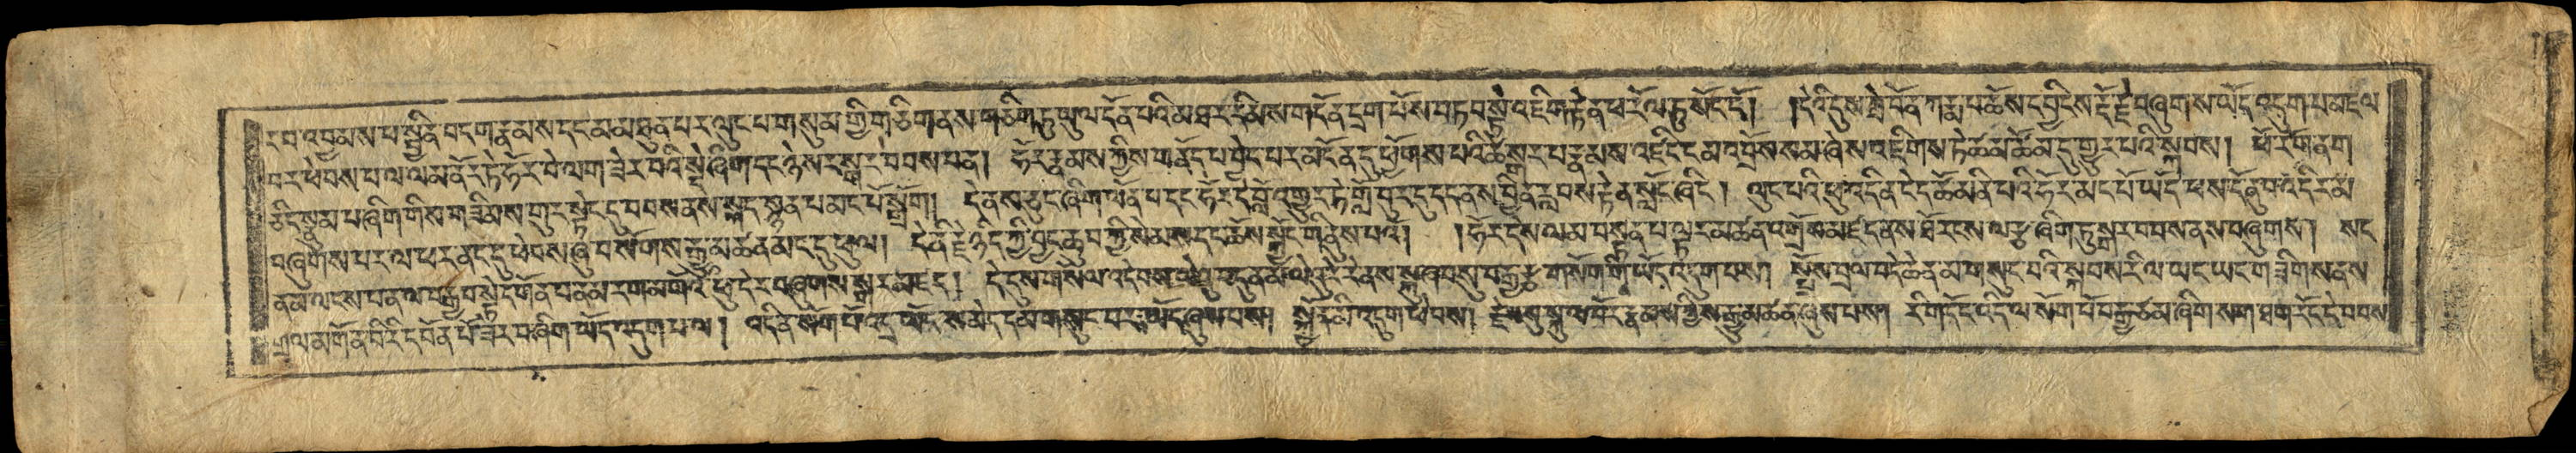རབ་འབྱམས་པ་སྦྱིན་བདག་རྣམས་དང་མ་མཐུན་པར་ལུང་བ་གསུམ་གྱི་གཅིག་ནས་གཅིག་ཏུ་ཡུལ་དོན་པའི་མཐར་རིམས་གདོན་དྲག་པོས་བཏབ་སྟེ་འཇིག་རྟེན་ཕ་རོལ་ཏུ་སོང་ངོ། །དེའི་དུས་ཀྲེ་བོན་ཀརྨ་པ་ཆོས་དབྱིངས་རྡོ་རྗེ་བཞུགས་ཡོད་འདུག་པ་མཇལ་
བར་ཕེབས་པ་ལ་ལམ་ནོར་ཏེ་ཧོར་བེ་ལག་ཟེར་བའི་སྡེ་ཞིག་དང་ཉེ་སར་སྒར་བབས་པ་ན། ཧོར་རྣམས་ཀྱིས་གནོད་པ་བྱེད་པར་མངོན་དུ་ཕྱོགས་པའི་ཆེ་སྒར་པ་རྣམས་འཛིང་ངམ་འབྲོས་སམ་ཞེས་འཇིགས་ཏེ་ཚམ་ཚོམ་དུ་གྱུར་པའི་སྐབས། ཕོ་རོག་ནག་
ཅིང་སྣུམ་པ་ཞིག་གིས་གཟིམས་གུར་སྟེང་དུ་བབས་ནས་སྐད་སྙན་པ་མང་པོ་སྒྲོག། དེ་ནས་ཅུང་ཞིག་ལོན་པ་དང་ཧོར་དེ་བློ་འགྱུར་ཏེ་གློ་བུར་དུ་དད་ནས་བྱིན་རླབས་རྟེན་སློང་ཞིང་། ལུང་པའི་ཕུ་འདི་ན་ངེད་ཚོ་མིན་པའི་ཧོར་མང་པོ་ཡོང་པས་དོ་ནུབ་འདིར་མ་
བཞུགས་པར་ལ་ཕར་ནང་དུ་ཕེབས་ཞུ་བ་སོགས་རྒྱུ་མཚན་མང་དུ་ཕུལ། དེ་ནི་རྗེ་ཉིད་ཀྱི་བྱང་ཆུབ་ཀྱི་སེམས་དང་ཆོས་སྐྱོང་གི་ནུས་པའོ། །ཧོར་དེས་ལམ་བསྟན་པ་ལྟར་མཚན་འགྲོས་མཛད་ནས་ཐོ་རངས་ལ་རྩ་ཞིག་ཏུ་སྒར་བབས་ནས་བཞུགས། སང་
ནམ་ལངས་པ་ན་ལ་བརྒྱབ་སྟེ་དགོན་པ་ནམ་རག་མགོའི་ཕུ་དེར་བཞུགས་སྒར་མཛད། དེ་དུས་གསོལ་འདེབས་ལེའུ་བདུན་མོ་ལེའུར་རེ་རེ་ནས་སྐུ་ཞབས་སུ་བརྒྱ་རྩ་གསོག་གིན་ཡོད་འདུག་པས། སྤྲོས་བྲལ་བདེ་ཆེན་མ་གསུང་བའི་སྐབས་རི་ལ་ཡང་ཡང་གཟིགས་ནས་
གྲལ་མགོན་པི་རི་དབོན་པོ་ཟེར་བཞིག་ཡོད་འདུག་པ་ལ། འདི་ན་སོག་པོ་འདྲ་ཡོད་ས་མེད་དམ་གསུང་བར་ཡོད་ཞུས་པས། སྐྱོན་མི་འདུག་ཕེབས། རྗེས་སུ་སྐུ་འཁོར་རྣམས་ཀྱིས་རྒྱུ་མཚན་ཞུས་པས། རི་གདོང་འདི་ལ་སོག་པོ་བརྒྱ་ཙམ་ཞིག་སག་ཐག་རོང་དེ་བབས་